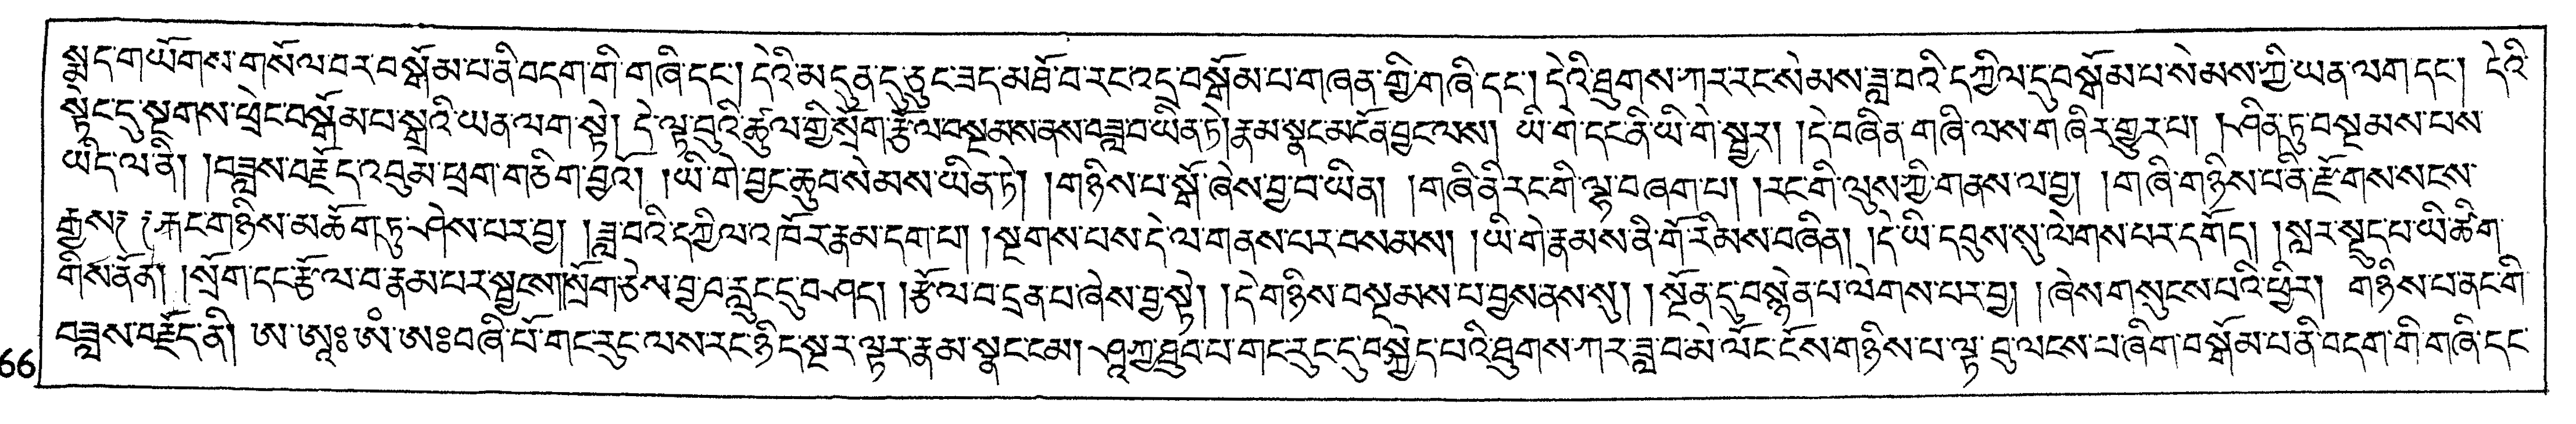སྨད་གཡོགས་གསོལ་བར་བསྒོམ་པ་ནི་བདག་གི་གཞི་དང་། དེའི་མདུན་དུ་ཅུང་ཟད་མཐོ་བ་རང་འདྲ་བསྒོམ་པ་གཞན་གྱི་གཞི་དང་། དེའི་ཐུགས་ཀར་རང་སེམས་ཟླ་བའི་དཀྱིལ་དུ་བསྒོམ་པ་སེམས་ཀྱི་ཡན་ལག་དང་། དེའི་
སྟེང་དུ་སྔགས་ཕྲེང་བསྒོམ་པ་སྒྲའི་ཡན་ལག་སྟེ། དེ་ལྟ་བུའི་ཚུལ་གྱི་སྲོག་རྩོལ་བསྔམས་ནས་བཟླ་བ་ཡིན་ཏེ། རྣམ་སྣང་མངོན་བྱང་ལས། ཡི་གེ་དང་ནི་ཡི་གེ་སྦྱར། །དེ་བཞིན་གཞི་ལས་གཞིར་གྱུར་པ། །ཤིན་ཏུ་བསྔམས་པས་
ཡིད་ལ་ནི། །བཟླས་བརྗོད་འབུམ་ཕྲག་གཅིག་བྱའོ། །ཡི་གེ་བྱང་ཆུབ་སེམས་ཡིན་ཏེ། །གཉིས་པ་སྒོ་ཞེས་བྱ་བ་ཡིན། །གཞི་ནི་རང་གི་ལྷ་བཞག་པ། །རང་གི་ལུས་ཀྱི་གནས་ལ་བྱ། །གཞི་གཉིས་པ་ནི་རྫོགས་སངས་
རྒྱས། །རྐང་གཉིས་མཆོག་ཏུ་ཤེས་པར་བྱ། །ཟླ་བའི་དཀྱིལ་འཁོར་རྣམ་དག་པ། །སྔགས་པས་དེ་ལ་གནས་པར་བསམས། །ཡི་གེ་རྣམས་ནི་གོ་རིམས་བཞིན། །དེ་ཡི་དབུས་སུ་ལེགས་པར་དགོད། །སླར་སྡུད་པ་ཡི་ཚིག་
གིས་ནོན། །སྲོག་དང་རྩོལ་བ་རྣམ་པར་སྦྱངས། །སྲོག་ཅེས་བྱ་བ་རླུང་དུ་བཤད། །རྩོལ་བ་དྲན་པ་ཞེས་བྱ་སྟེ། །དེ་གཉིས་བསྔམས་པ་བྱས་ནས་སུ། །སྔོན་དུ་བསྙེན་པ་ལེགས་པར་བྱ། །ཞེས་གསུངས་པའི་ཕྱིར། གཉིས་པ་ནང་གི་
བཟླས་བརྗོད་ནི། ཨ་ཨཱཿ ཨཾ་ཨཿ བཞི་པོ་གང་རུང་ལས་རང་ཉིད་སྔར་ལྟར་རྣམ་སྣང་ངམ། ཤཱཀྱ་ཐུབ་པ་གང་རུང་དུ་བསྐྱེད་པའི་ཐུགས་ཀར་ཟླ་བ་མེ་ལོང་ངོས་གཉིས་པ་ལྟ་བུ་ལངས་པ་ཞིག་བསྒོམ་པ་ནི་བདག་གི་གཞི་དང་